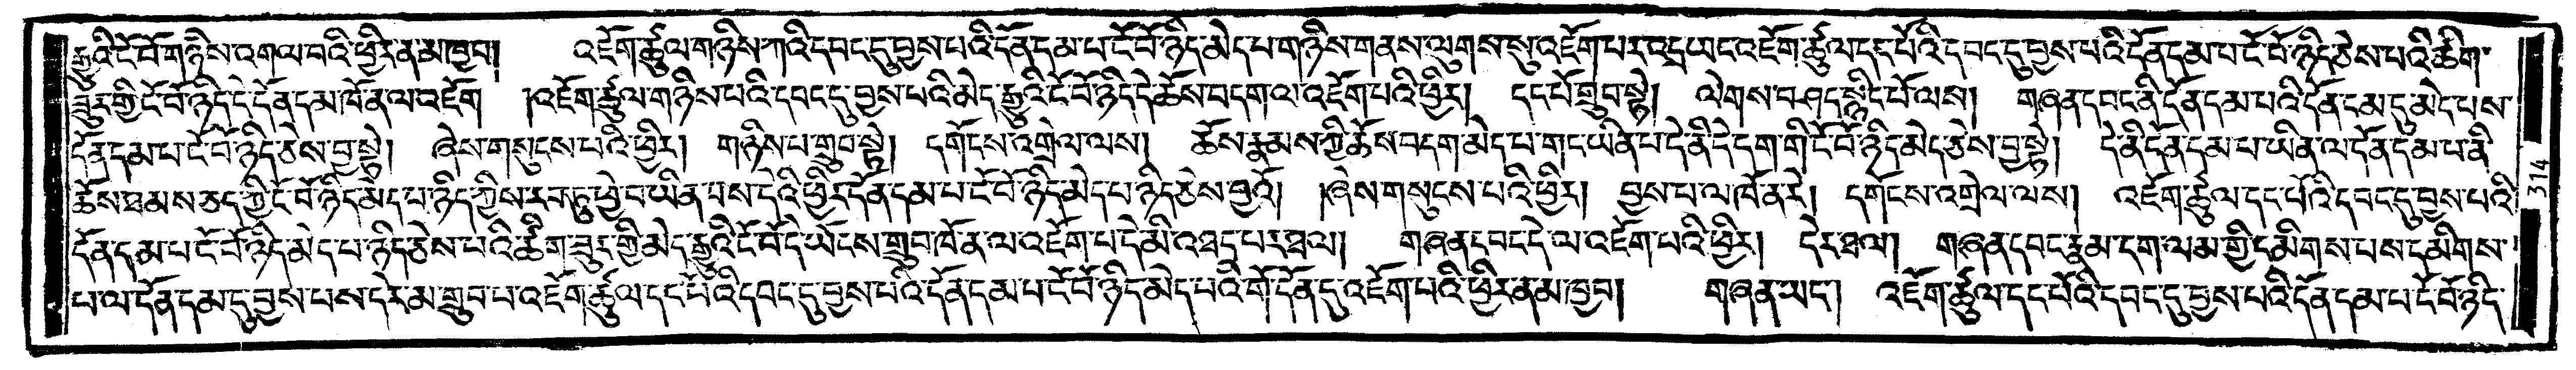རྒྱུའི་ངོ་བོ་གཉིས་འགལ་བའི་ཕྱིར་ན་མ་ཁྱབ། འཇོག་ཚུལ་གཉིས་ཀའི་དབང་དུ་བྱས་པའི་དོན་དམ་པ་ངོ་བོ་ཉིད་མེད་པ་གཉིས་གནས་ལུགས་སུ་འཇོག་པར་འདྲ་ཡང་འཇོག་ཚུལ་དང་པོའི་དབང་དུ་བྱས་པའི་དོན་དམ་པ་ངོ་བོ་ཉིད་ཅེས་པའི་ཚིག་
ཟུར་གྱི་ངོ་བོ་ཉིད་དེ་དོན་དམ་ཁོ་ན་ལ་འཇོག །འཇོག་ཚུལ་ཉིས་པའི་དབང་དུ་བྱས་པའི་མེད་རྒྱུའི་ངོ་བོ་ཉིད་དེ་ཆོས་བདག་ལ་འཇོག་པའི་ཕྱིར། དང་པོ་གྲུབ་སྟེ། ལེགས་བཤད་སྙིང་པོ་ལས། གཞན་དབང་ནི་དོན་དམ་པའི་དོན་དམ་དུ་མེད་པས་
དོན་དམ་པ་ངོ་བོ་ཉིད་ཅེས་བྱ་སྟེ། ཞེས་གསུངས་པའི་ཕྱིར། གཉིས་པ་གྲུབ་སྟེ། དགོངས་འགྲེལ་ལས། ཆོས་རྣམས་ཀྱི་ཆོས་བདག་མེད་པ་གང་ཡིན་པ་དེ་ནི་དེ་དག་གི་ངོ་བོ་ཉིད་མེད་ཅེས་བྱ་སྟེ། དེ་ནི་དོན་དམ་པ་ཡིན་ལ་དོན་དམ་པ་ནི་
ཆོས་ཐམས་ཅད་ཀྱི་ངོ་བོ་ཉིད་མེད་པ་ཉིད་ཀྱིས་རབ་ཏུ་ཕྱེ་བ་ཡིན་པས་དེའི་ཕྱིར་དོན་དམ་པ་ངོ་བོ་ཉིད་མེད་པ་ཉིད་ཅེས་བྱའོ། །ཞེས་གསུངས་པའི་ཕྱིར། བྱས་པ་ལ་ཁོ་ན་རེ། དགོངས་འགྲེལ་ལས། འཇོག་ཚུལ་དང་པོའི་དབང་དུ་བྱས་པའི་
དོན་དམ་པ་ངོ་བོ་ཉིད་མེད་པ་ཉིད་ཅེས་པའི་ཚིག་ཟུར་གྱི་མེད་རྒྱུའི་ངོ་བོ་དེ་ཡོངས་གྲུབ་ཁོ་ན་ལ་འཇོག་པ་དེ་མི་འཐད་པར་ཐལ། གཞན་དབང་དེ་ལ་འཇོག་པའི་ཕྱིར། དེར་ཐལ། གཞན་དབང་རྣམ་དག་ལམ་གྱི་དམིགས་པས་དམིགས་
པ་ལ་དོན་དམ་དུ་བྱས་པས་དེར་མ་གྲུབ་པ་འཇོག་ཚུལ་དང་པོའི་དབང་དུ་བྱས་པའི་དོན་དམ་པ་ངོ་བོ་ཉིད་མེད་པའི་གོ་དོན་དུ་འཇོག་པའི་ཕྱིར་ན་མ་ཁྱབ། གཞན་ཡང་། འཇོག་ཚུལ་དང་པོའི་དབང་དུ་བྱས་པའི་དོན་དམ་པ་ངོ་བོ་ཉིད་